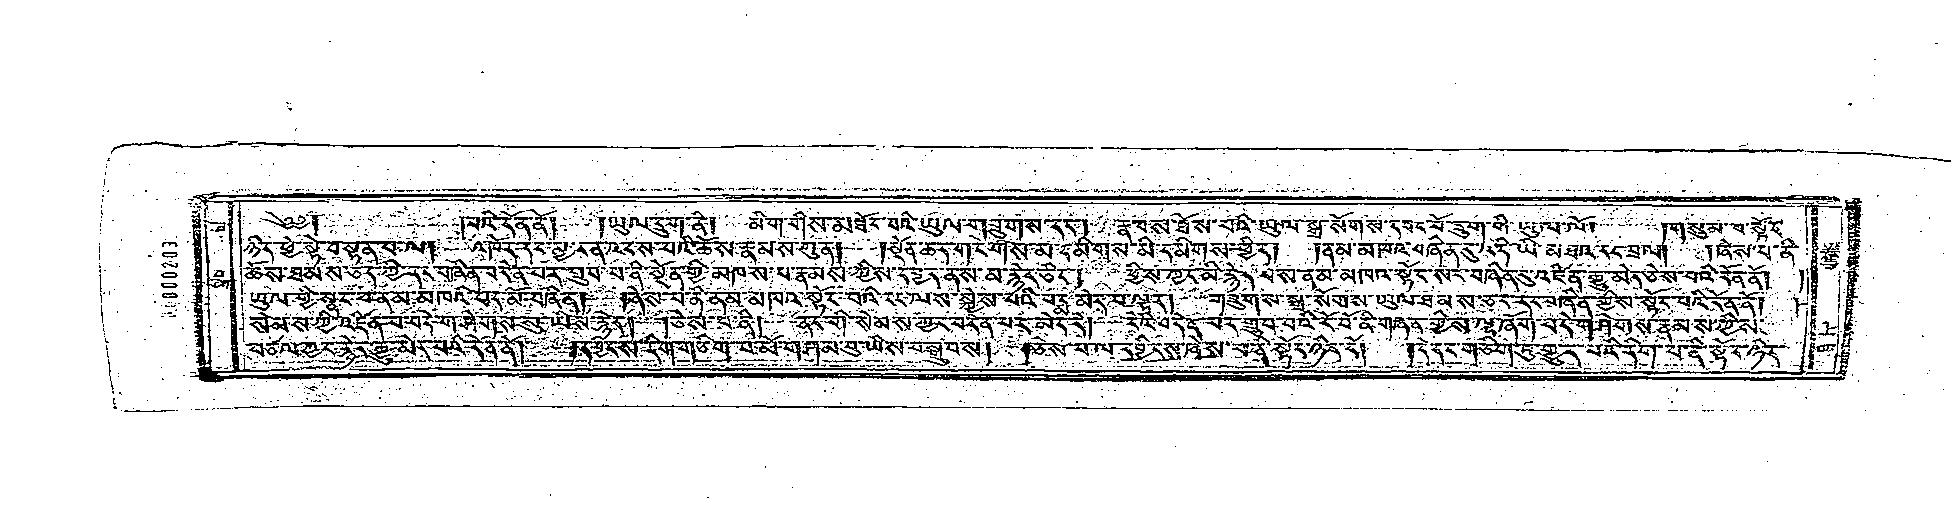༄༅། །པའི་དོན་ནོ། །ཡུལ་དྲུག་ནི། མིག་གིས་མཐོང་བའི་ཡུལ་གཟུགས་དང་། རྣ་བས་ཐོས་པའི་ཡུལ་སྒྲ་སོགས་དབང་པོ་དྲུག་གི་ཡུལ་ལོ། །གསུམ་བ་སྟོང་
ཉིད་ཕྱེ་སྟེ་བསྟན་པ་ལ། འཁོར་དང་མྱ་ངན་འདས་པའི་ཆོས་རྣམས་ཀུན། །སྡོན་ཆད་གང་གིས་མ་དམིགས་མི་དམིགས་ཕྱིར། །ནམ་མཁའ་བཞིན་དུ་འདི་ཡི་མཐའ་དང་བྲལ། །ཞེས་པ་ནི་
ཆོས་ཐམས་ཅད་ཀྱི་རང་བཞིན་བདེན་པར་གྲུབ་པ་ནི་སྔོན་གྱི་མཁས་པ་རྣམས་ཀྱིས་དབྱད་ནས་མ་རྙེད་ཅིང་། ཕྱིས་ཀྱང་མི་རྙེད་པས་ནམ་མཁའ་སྟོང་སང་བཞིན་དུ་འཛིན་རྒྱུ་མེད་ཅེས་པའི་དོན་ནོ། །
ཕུལ་གྱི་སྣང་བ་ནམ་མཁའི་པད་མོ་བཞིན། །ཞེས་པ་ནི་ནམ་མཁའ་སྟོང་བའི་དང་ལས་སྐྱེས་པའི་པདམ་མེད་པ་ལྟར། གཟུགས་སྒྲ་སོགས་ཡུལ་ཐམས་ཅད་རང་བཞིན་གྱིས་སྟོང་པའི་དོན་ནོ། །
སེམས་ཀྱི་འཛིན་པ་བདེ་གཤེགས་སུ་ཡིས་རྙེད། །ཅེས་པ་ནི། ནང་གི་སེམས་ཀྱང་བདེན་པར་མེད་དེ། དེའི་བདེན་པར་གྲུབ་བའི་ངོ་བོ་ནི་གཞན་གྱིས་ལྟ་ཞོག་བདེ་གཤེགས་རྣམས་ཀྱིས་
བཙལ་ཀྱང་རྙེད་རྒྱུ་མེད་པའི་དོན་ནོ། །དབྱིངས་རིག་གཅིག་པ་མོ་གཤམ་བུ་ཡིས་བསྒྲུབས། །ཅེས་པ་ལ་དབྱིངས་ཞེས་པ་ནི་སྟོང་ཉིད་དོ། །དེ་དང་གཅིག་ཏུ་གྱུར་པའི་རིག་པ་ནི་སྟོང་ཉིད་